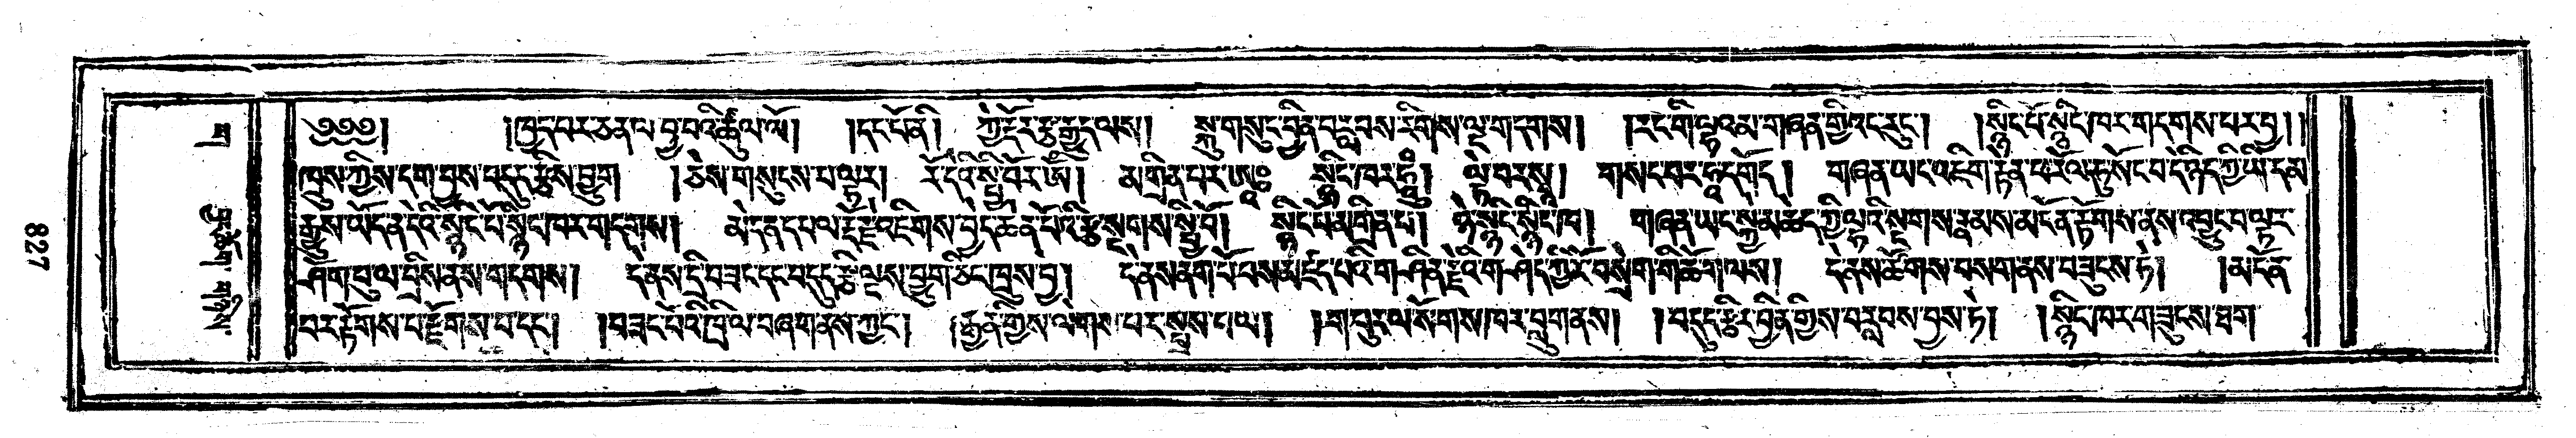༄༅། །ཁྱད་བར་ཅན་ལ་བྱ་བའི་ཚུལ་ལོ། །དང་པོ་ནི། ཀྱེ་རྡོར་རྩ་རྒྱུད་ལས། སྐུ་གསུང་བྱིན་བརླབས་རིགས་ལྔ་གདགས། །རང་གི་ལྷའམ་གཞན་གྱིའང་རུང་། །སྙིང་པོ་སྙིང་ཁར་གདགས་པར་བྱ། །
ཁྲུས་ཀྱིས་དག་བྱས་བདུད་རྩིས་བྱུག །ཅེས་གསུངས་པ་ལྟར། རོ་དེའི་སྤྱི་བོར་ཨོཾ། མགྲིན་པར་ཨཱཿསྙིང་ཁར་ཧཱུཾ། ལྟེ་བར་སྭཱ། གསང་བར་ཧཱ་དགོད། གཞན་ཡང་འཇིག་རྟེན་ཕ་རོལ་ཏུ་སོང་བ་དེ་ཉིད་ཀྱི་ཡི་དམ་
རྒྱུས་ཡོད་ན་དེའི་སྙིང་པོ་སྙིང་ཁར་གདགས། མེད་ན་དཔལ་རྡོ་རྗེ་འཇིགས་བྱེད་ཆེན་པོའི་རྩི་སྔགས་སྦྱི་བོ། སྙིང་པོ་མགྲིན་པ། ཉེ་སྙིང་སྙིང་ཁ། གཞན་ཡང་སྐྱེ་མཆེད་ཀྱི་ལྷའི་སྔགས་རྣམས་མངོན་རྟོགས་ནས་འབྱུང་བ་ལྟར་
ཤོག་བུ་ལ་བྲིས་ནས་གདགས། དེ་ནས་དྲི་བཟང་དང་བདུད་རྩི་ལྔས་བྱུག་ཅིང་ཁྲུས་བྱ། དེ་ནས་ནག་པོ་བས་མཛད་པའི་གཤིན་རྗེའི་གཤེད་ཀྱི་རོ་བསྲེག་གི་ཆོ་ག་ལས། དེ་ནས་ཚོགས་བསག་ནས་བཟུངས་ཏེ། །མངོན་
བར་རྟོགས་པ་རྫོགས་པ་དང་། །བཟང་པོའི་ཁྲི་ལ་བཞག་ནས་ཀྱང་། །རྒྱན་གྱིས་ལེགས་པར་སྤྲས་པ་ལ། །ག་པུར་ལ་སོགས་ཁར་བླུག་ནས། །བདུད་རྩིར་བྱིན་གྱིས་བརླབས་བྱས་ཏེ། །སྙིང་ཁར་གཟུངས་ཐག་